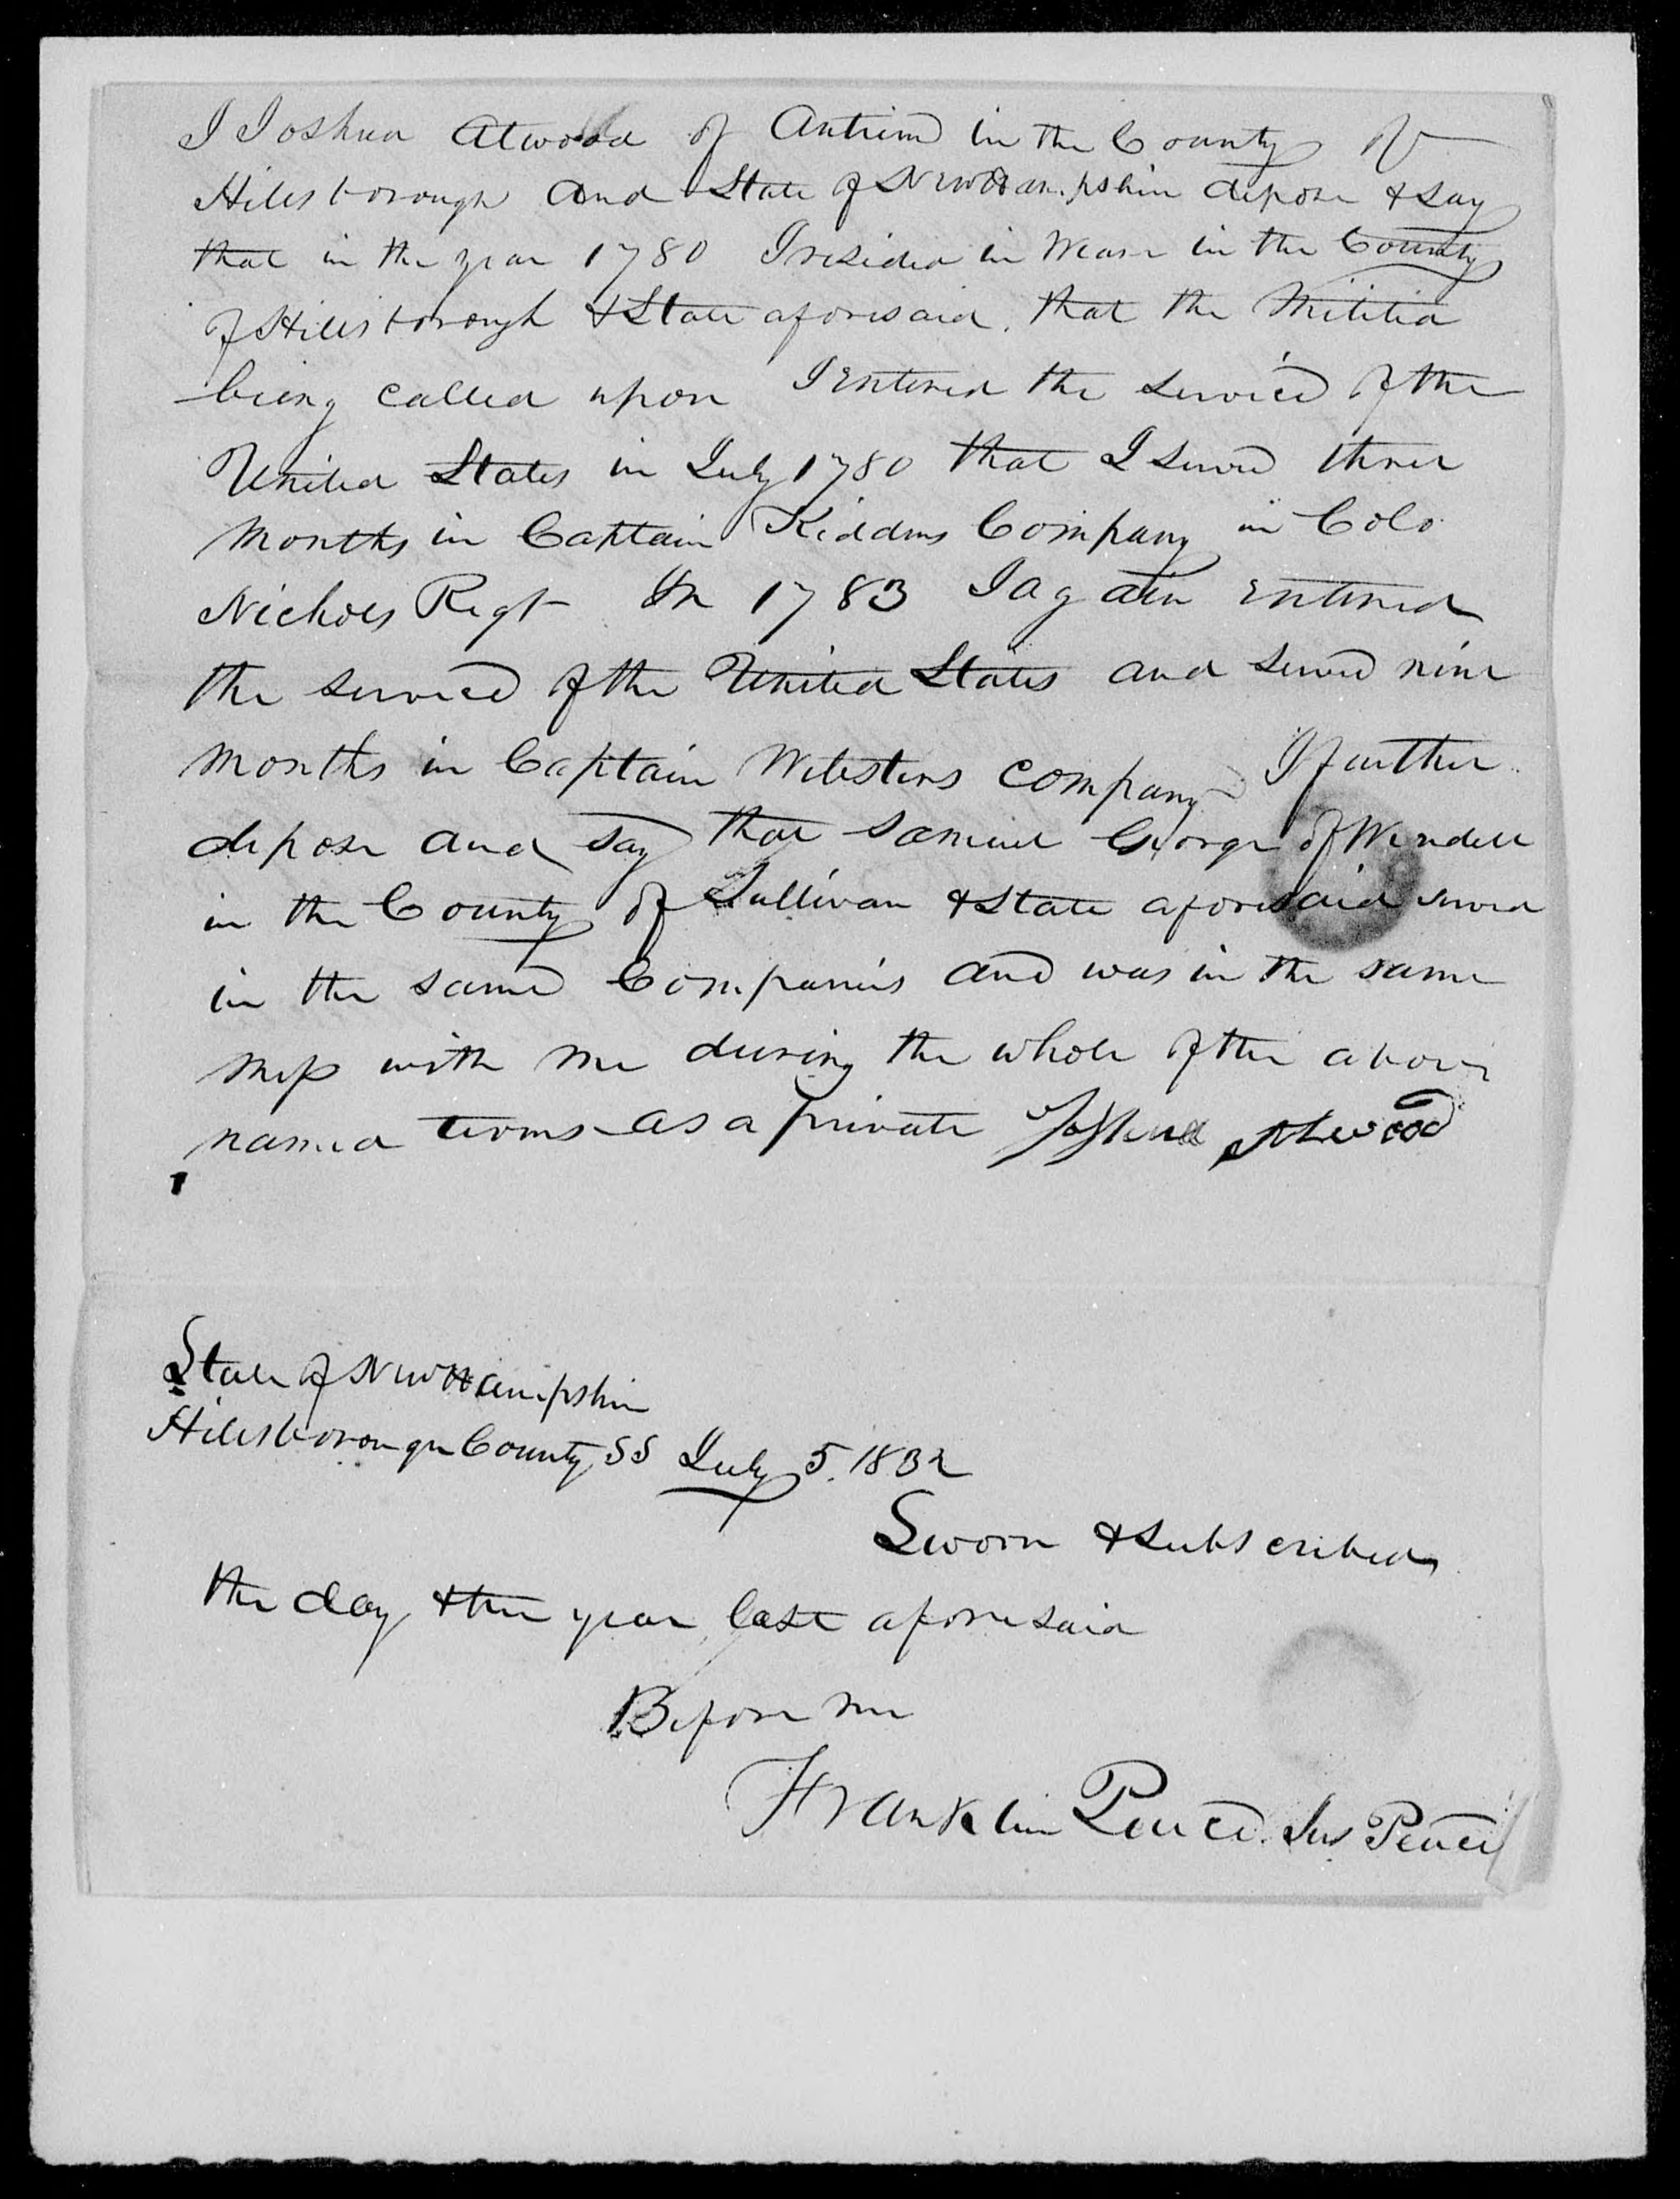I Joshua Atwood of Antrim in the County of
Hillsborough and State of New Hampshire depose & say
that in the year 1780 I resided in W[illegible] in the County of Hillsborough & State aforesaid, that the Militia being called upon I entered the service of the United States in July 1780 that I served three months in Captain Kidders Company in Colo. Nichols Regt. In 1783 I again entered the service of the United States and served nine months in Captain Witestins Company. I further depose and say that 
that Samuel George of Wendell in the County
of Sullivan & State aforesaid and served in the same Companies and was in the same [illegible] with me during the whole of the above
named terms as a private. 

Joshua Atwood

State of New Hampshire
Hillsborough County SS July 5, 1832
Sworn & subscribed the day & the year last aforesaid Before me
Franklin Pierce, Just. Peace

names: Franklin Pierce, Joshua Atwood, Samuel George, Joshua Atwood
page: 16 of 19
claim: survivor's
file: S. 15140, Samuel George, N.H.